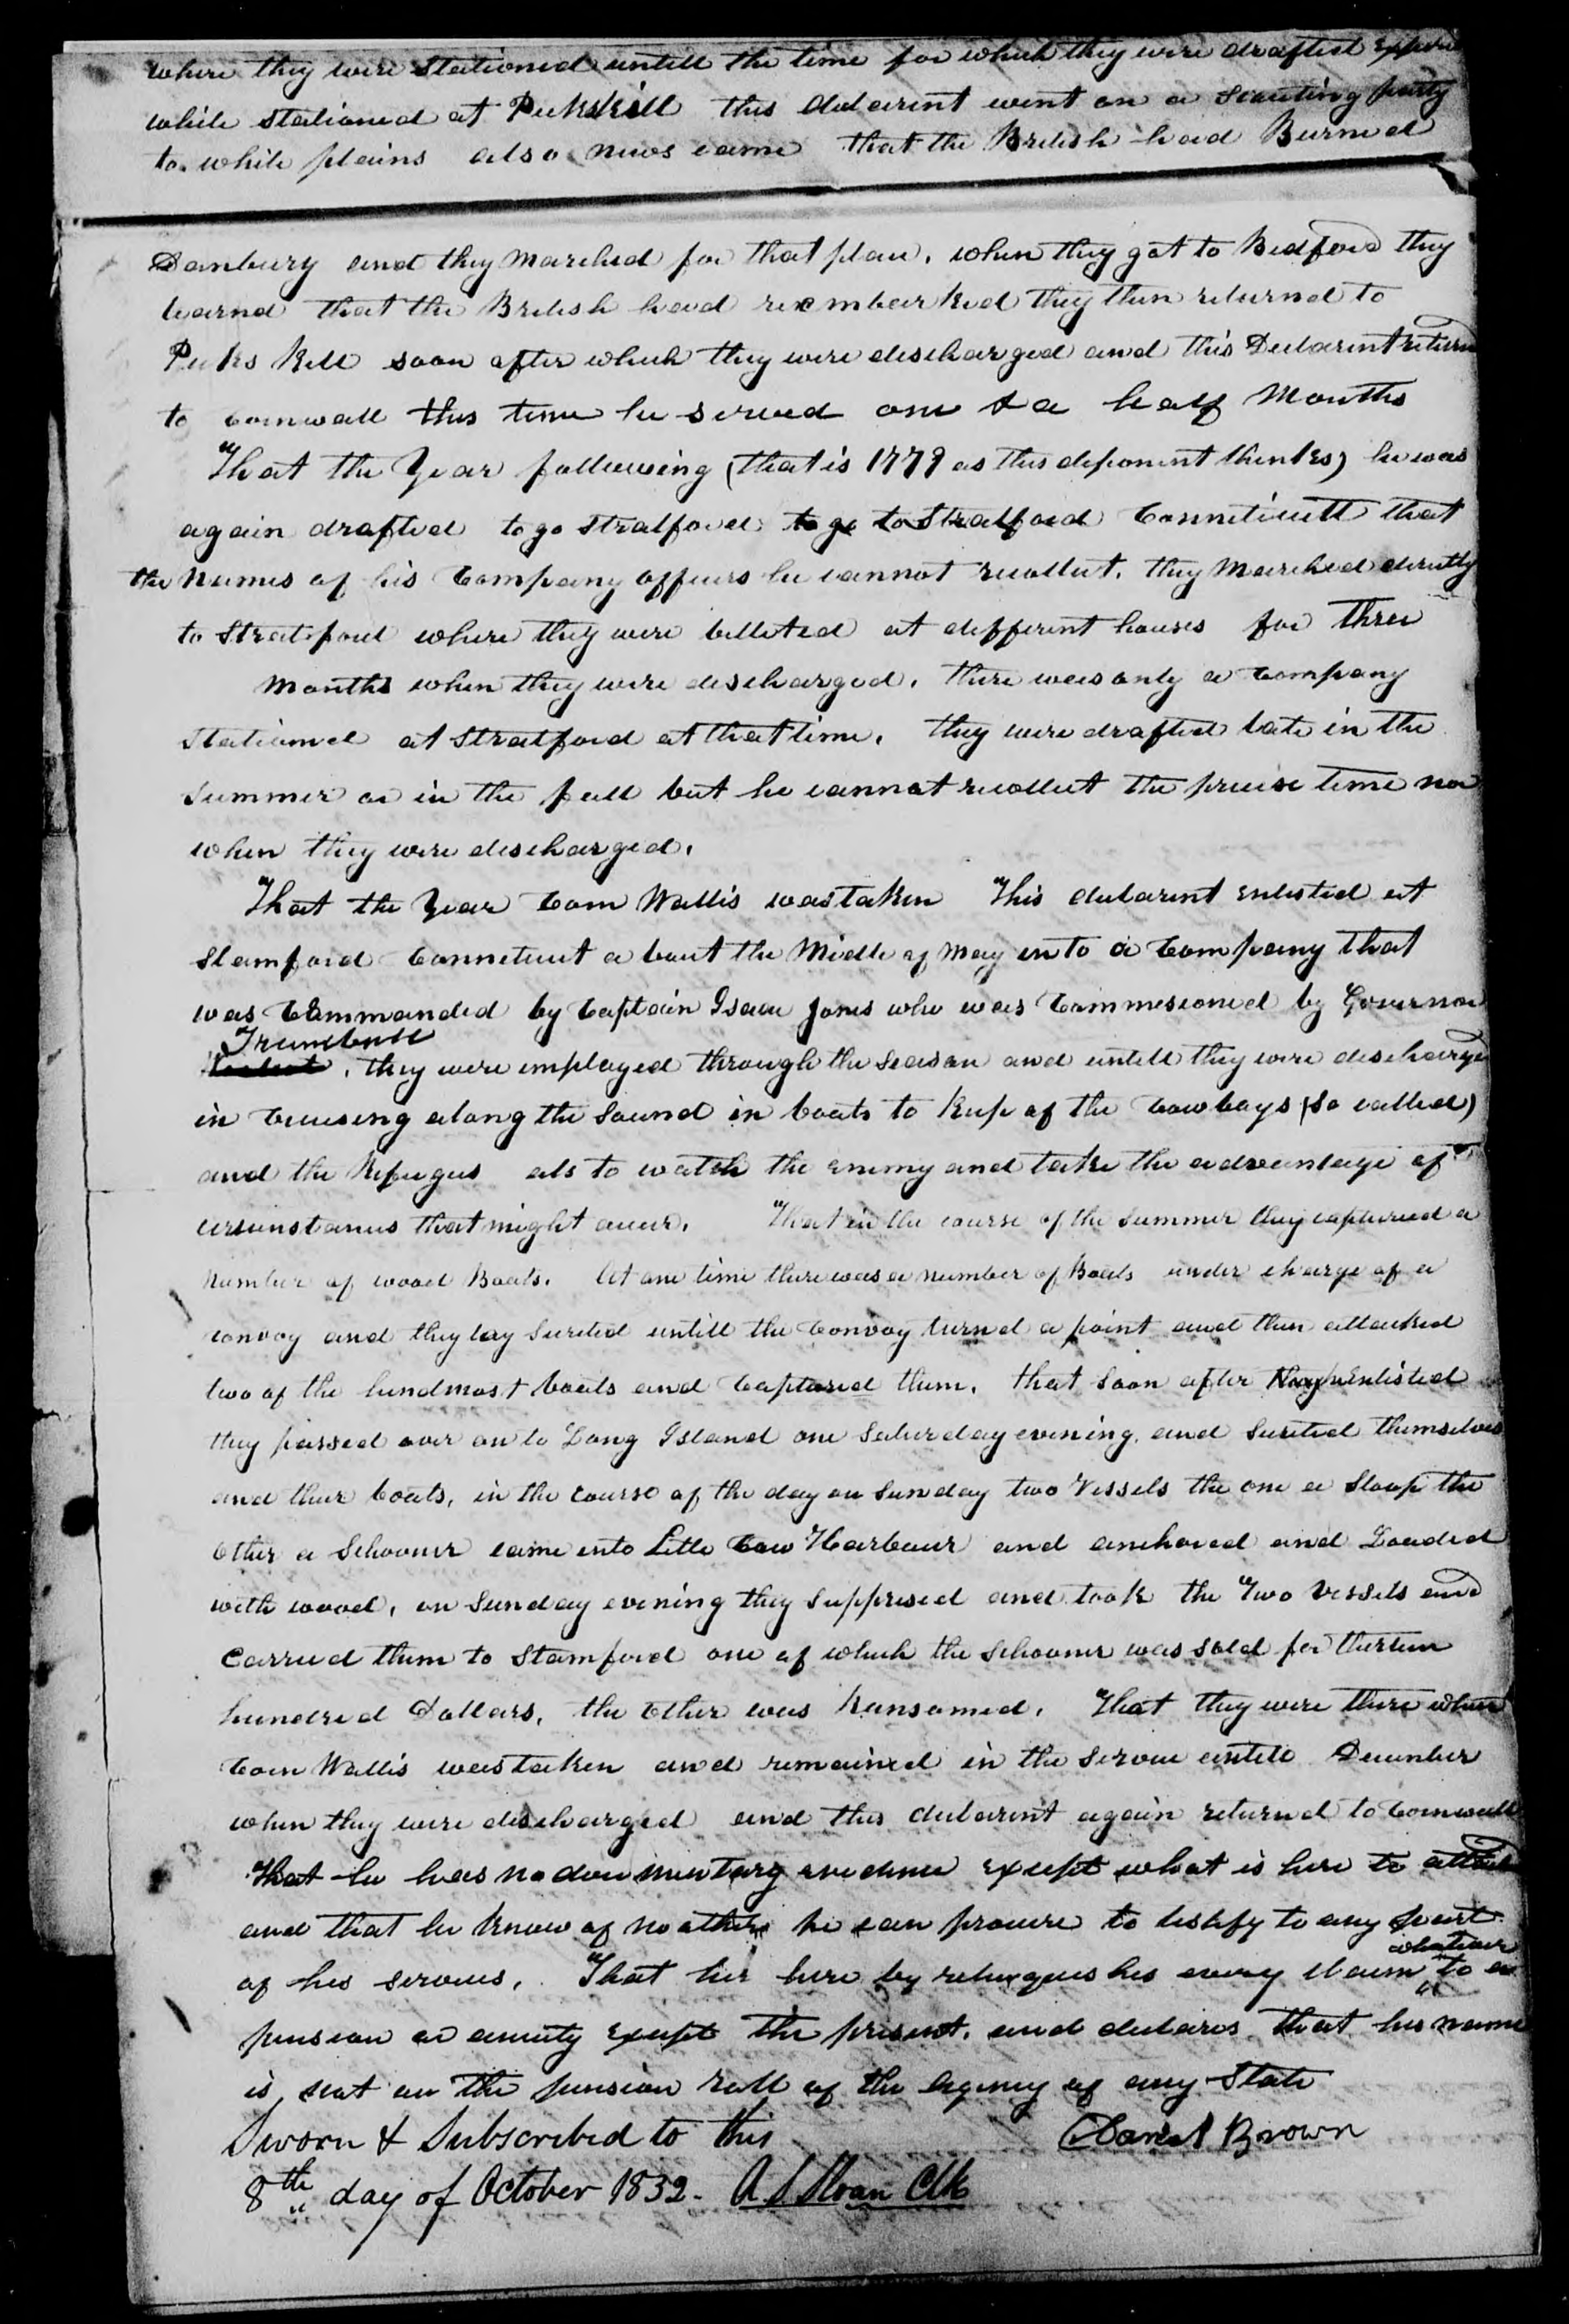where they were stationed untill the time for which they were drafted
while stationed at Peekskill this declarant went on a scouting party
to white plains also news came that the British had burned
Danbury and they marched for that place, when they got to Bedford they
learned that the British had reembarked they then returned to
Peekskill soon after which they were discharged and this Declarant returned
to Cornwall this time he served one & a half months
That the year following (that is 1779 as this deponent thinks) he was
again drafted to go Stratford [to Strafford struck through] Conneticutt that the
names of his Company officers he cannot recollect. they marched directly
to Stratford where they were billeted at different houses for three months when they were discharged, there was only a company stationed at Stratford at that time, they were drafted late in the
summer or in the fall but he cannot recollect the precise time now when they were discharged.
That the year Corn Wallis was taken this declarant enlisted at
Stamford Conneticut about the middle of May into a company that
was commanded by Captain Isaac Jones who was commisioned by Governor Trumbull
they were employed through the season and untill they were discharged
in cruising along the sound in boats to keep of the cowboys (so called) and the Refugees [illegible] to watch the enemy and take the advantage of circumstances that might occur.
That in the course of the summer they captured a
number of wood Boats. At one time there was a number of Boats under charge of a
convoy and they lay secreted untill the Convoy turned  a point and then attacked two of the hindmost boats and captured them, that soon after he enlisted
they passed over on to Long Island on Saturday evening and secreted themselves
and their boats, in the course of the day on Sunday two vessels the one a Sloop the other a Schooner came into Little Cow Harbour and anchored and landed
with wood, on Sunday evening they supprised [sic] and took the Two vessels and
carried them to Stamford one of which the Schooner was sold for thirteen hundred Dollars, the other was hansomed. That they were there when 
Corn Wallis was taken and remained in the service untill December when they were discharged and this declarant again returned to Cornwall
That he has no documentary evidence except what is here to attest and that he knows of no other he can procure to testify to any [illegible]  
of his services. That he hereby relinquishes every claim whatsoever to
pension [illegible] the present and declares that his name
is not on the pension roll of the [illegible] of any State

Daniel Brown
Sworn & Subscribed to this
8th day of October 1832.   A. S. Sloan Clk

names: Isaac Jones, Trumbull, A S Sloan, Daniel Brown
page: 6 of 37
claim: widow's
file: W. 20,787, Daniel Brown, Conn. Navy.